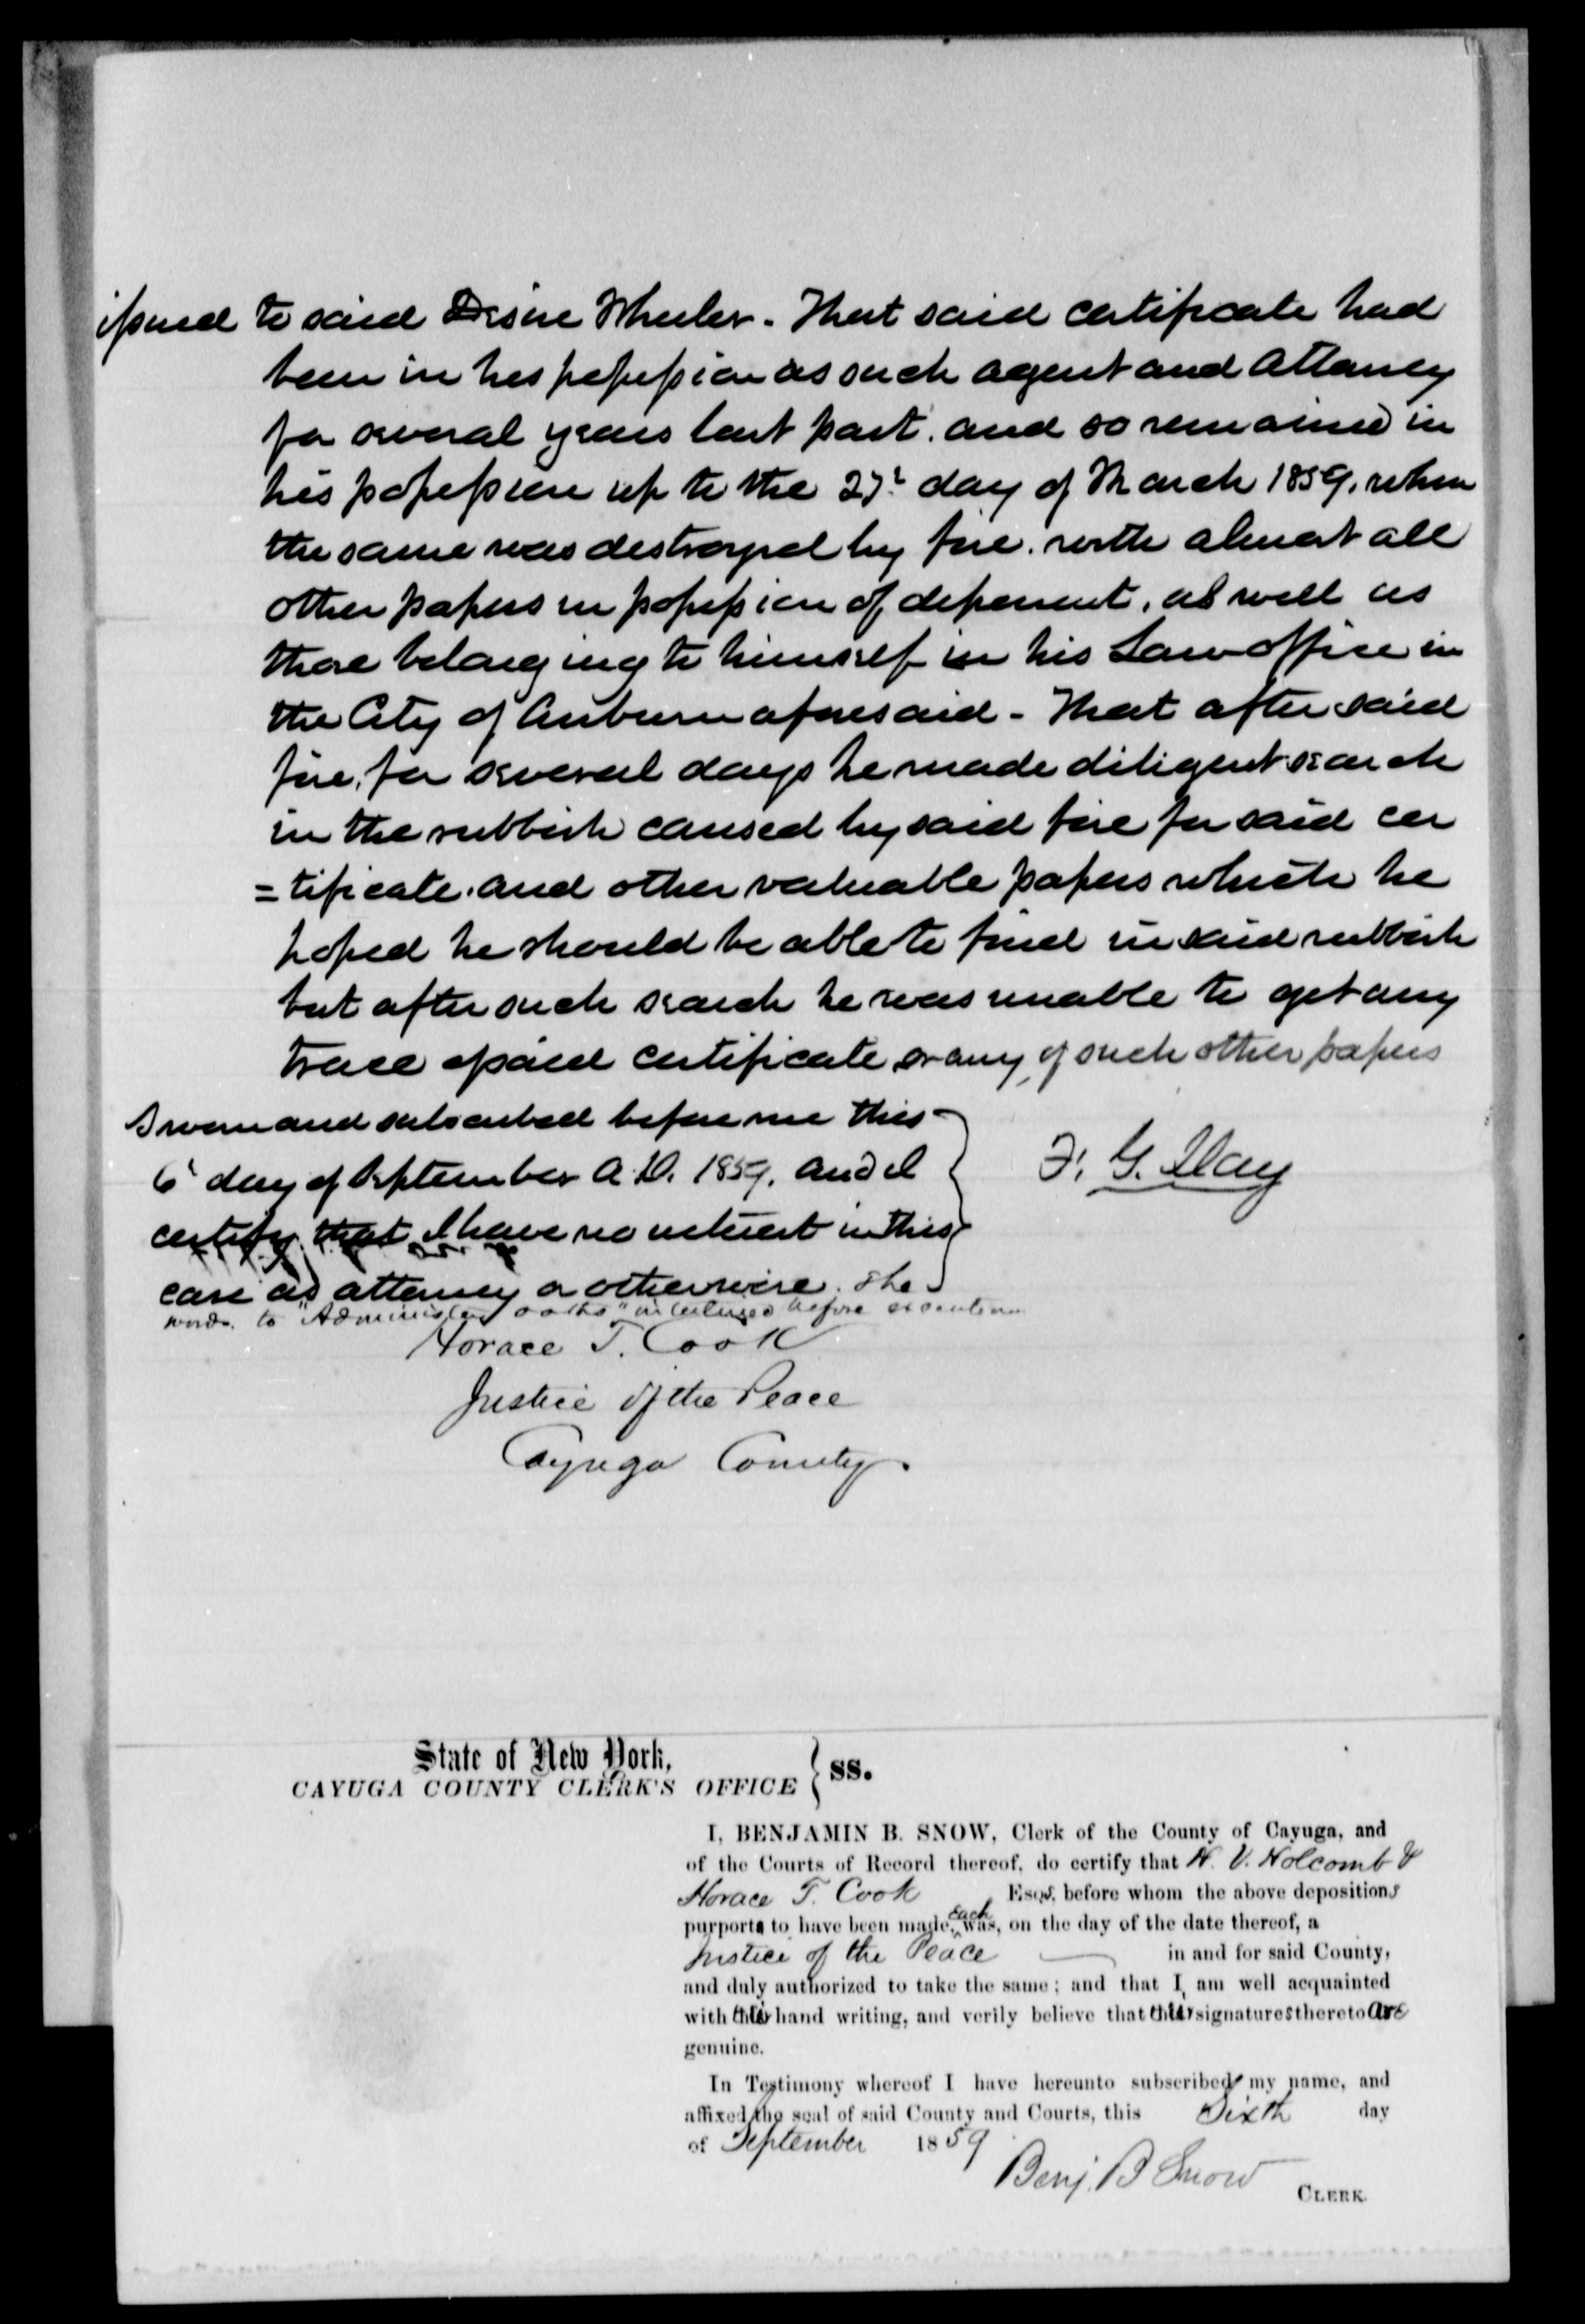issued to said Desire Wheeler. That said certificate had been in his possession as such agent and attorney for several years last past and so remained in his possession up to the 27th day of March, 1859 when the same was destroyed by fire with almost all other papers in his possession of deponent as well as those belonging to himself in his law office in the City of Auburn aforesaid. That after said fire, for several days he made diligent search in the rubbish caused by said fire for said certificate and other valuable papers which he hoped he should be able to find in said rubbish but after such search he was unable to get any trace of said certificate or any of such other papers.
F. G. Day
Sworn and subscribed before me this 6 day of September A. D. 1859 and I certify that I have no interest in this case as attorney or otherwise. The words to "administer oaths" interlined before execution.
Horace T. Cook,
Justice of the Peace
Cayuga County

State of New York
Cayuga County Clerk's Office SS
(seal)
I Benjamin B. Snow Clerk of the County of Cayuga and of the Courts of Record thereof, do certify that H. V. Holcomb & Horace T. Cook Esqrs. before whom the above deposition purports to have been made each was on the day of the date thereof, a Justice of the Peace in and for said County, and duly authorized to take the same; and that I am well acquainted with their hand writing and verily believe that their signatures thereto are genuine.
In testimony whereof I have hereunto subscribed my name and affixed the seal of said County and Courts, this Sixth day of September 1859
Benj. B. Snow Clerk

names: F G Day, Benjamin B Snow, Desire Wheeler, Horace T Cook, H V Holcomb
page: 98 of 98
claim: widow's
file: W. 1682, Valentine Wheeler, Mass.